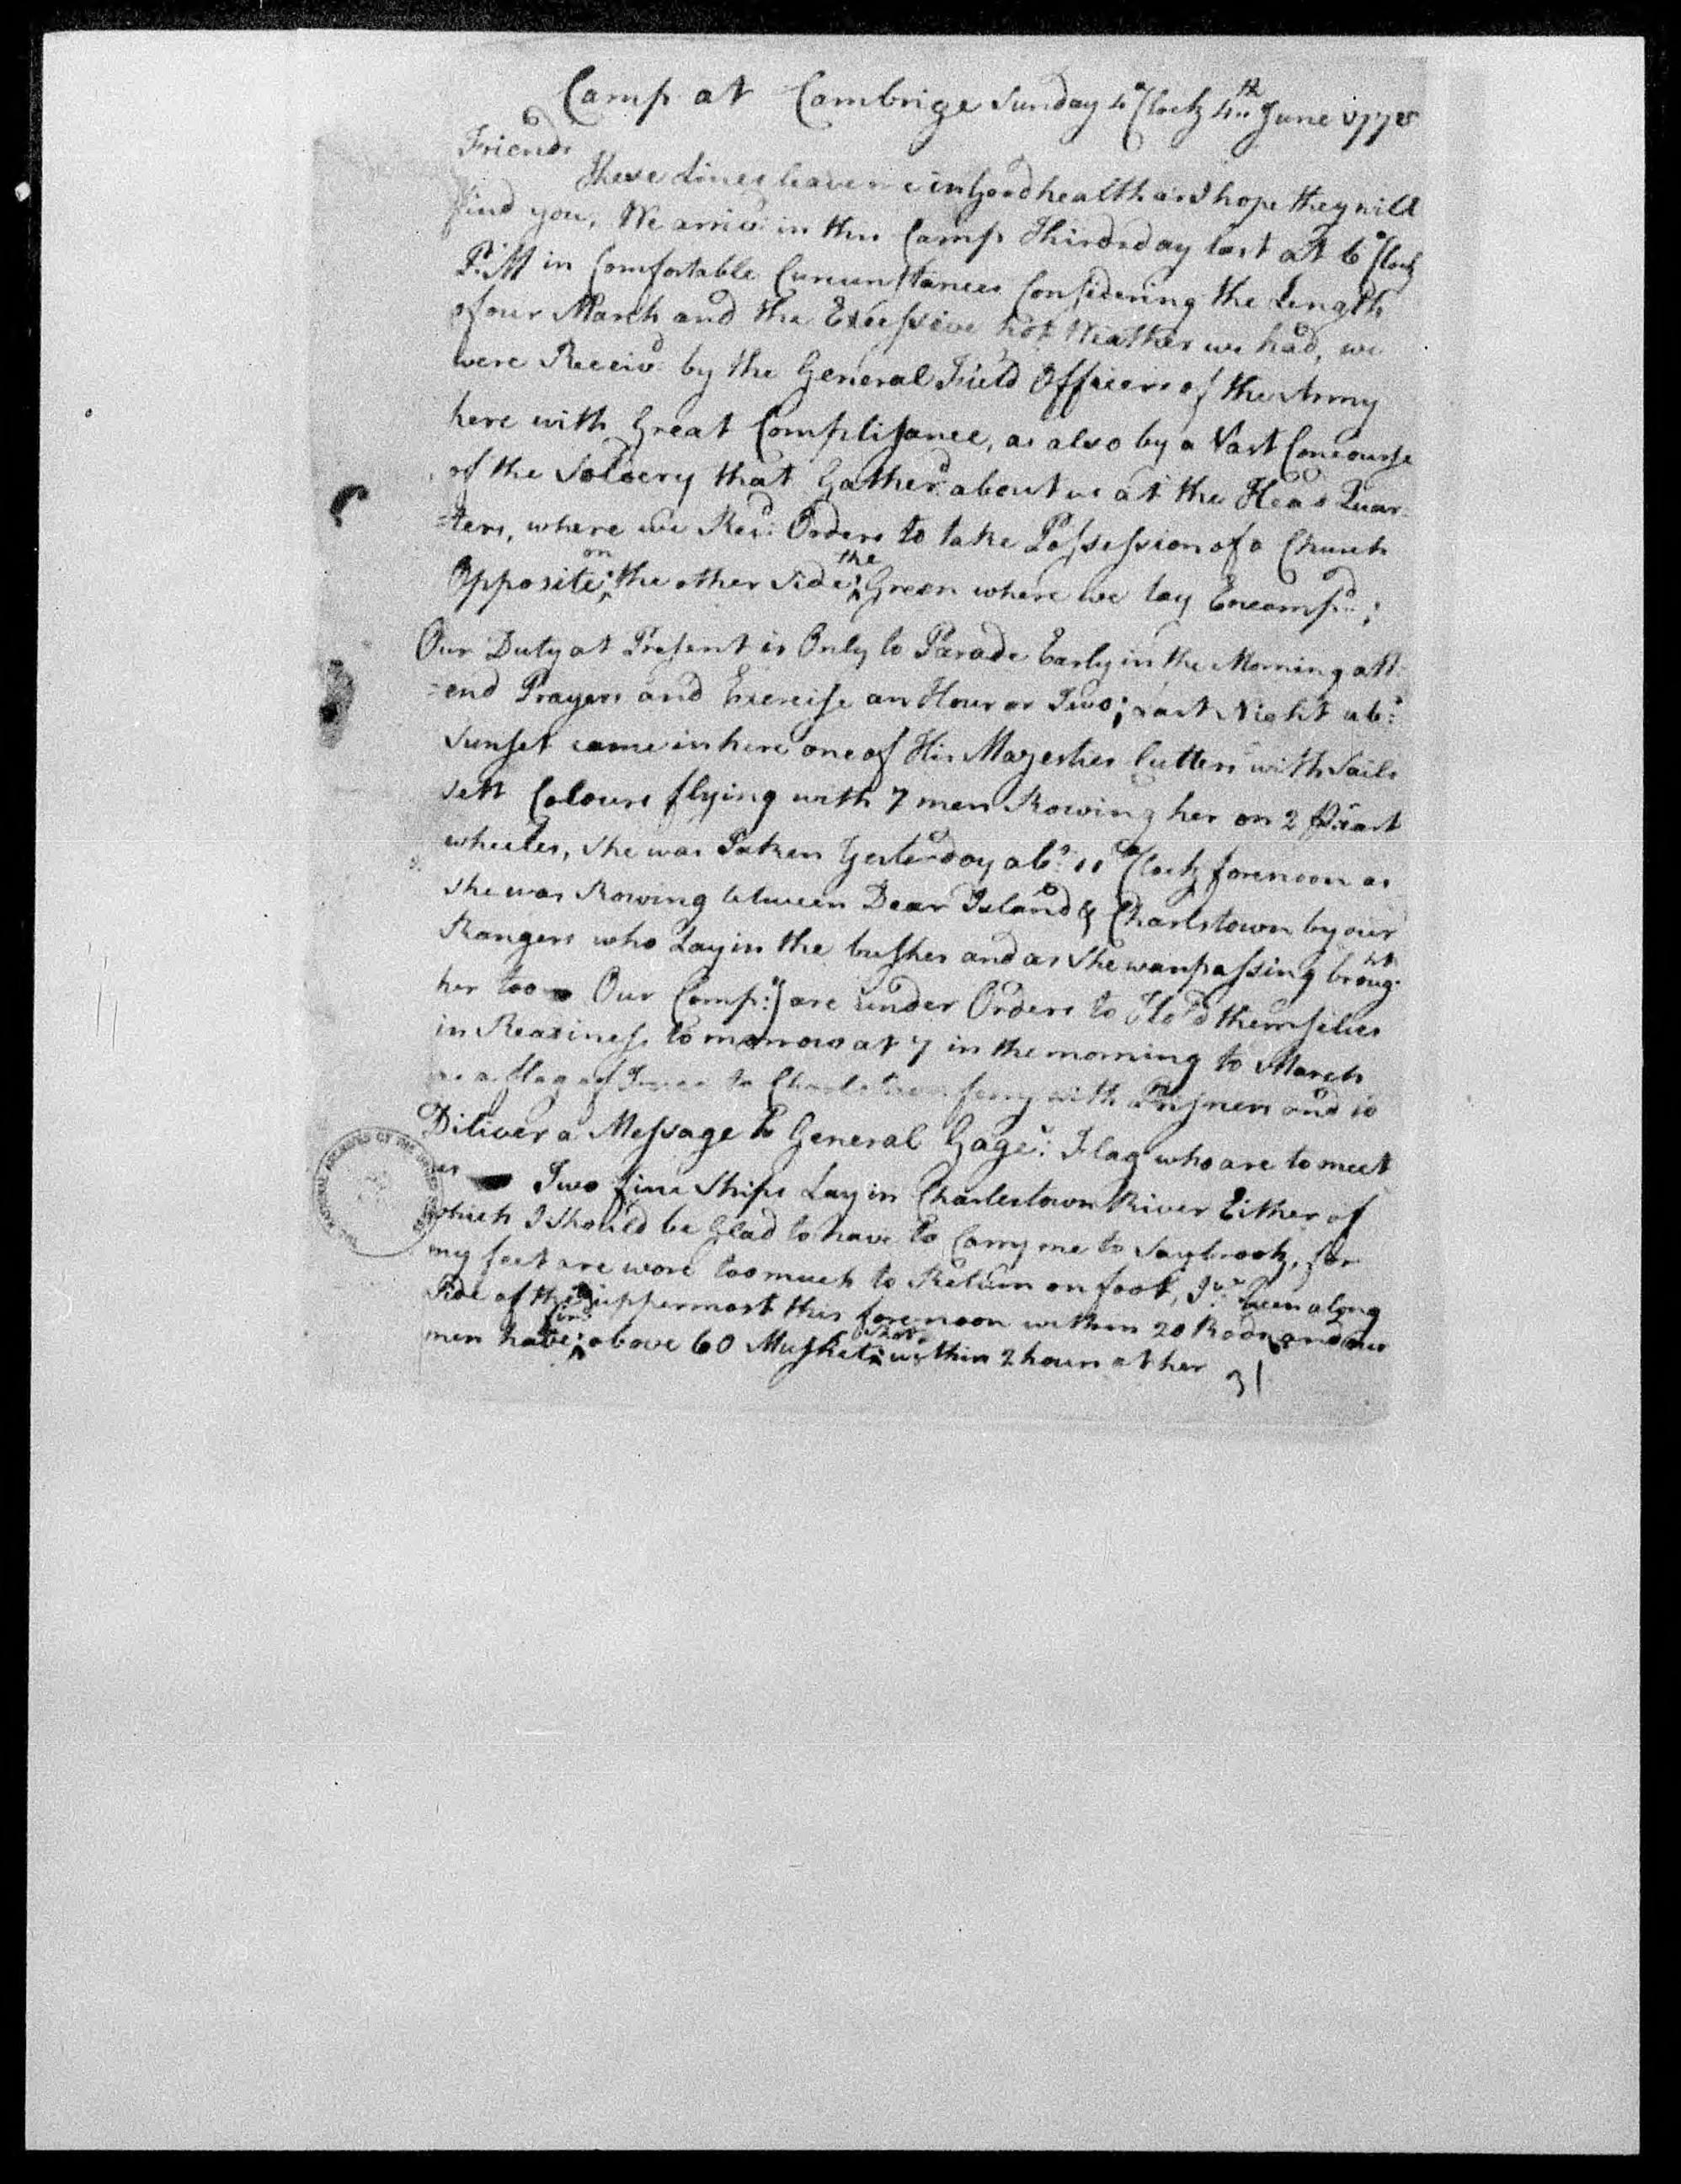Camp at Cambrige Sunday to flock 4th June 1775
Friend, These Lines leave me in Good health and I hope they will find you. We arrive in this Camp Thursday last at 6 o'clock P.M in Comfortable Circumstances Considering the Length of our March and the Excessive hot Weather we had, we were Receiv'd by the General Field Officers of the Army here with Great Complisance, & also by a Vast Concourse of the Soldery that Gathers about us at the Head Quarters, where we Rec'd Orders to take Possession of a Church Opposite on the other side the Green where we lay Encamp'd. Our Duty at Present is Only to Parade Early in the Morning attend Prayers and Exercise an Hour or Two; Last Night abt. Sunset came in here one of His Majesties Cutters with Sails sett Colours flying with 7 men Rowing her on 2 Giant wheeles, she was Taken Yesterday abt. 11 o' Clock forenoon as she was Rowing between Dear Island & 
 Charlestown by our Rangers who Lay in the bushes and as She was passing brought her too. Our Comp'y are under Orders to Hold themselves in Readiness to (illegible word) at 7 in the morning to March as a flag of Truce to Charlestown ferry with (illegible word) and to Deliver a Message to General Gage. Flag who are to meet up.  Two fine Ships Lay in Charlestown River Either of which I should be glad to Carry me to Saybrook, for my feet are wore too much to Return on foot, I've been along Five of the uppermost this forenoon within 20 Rods and our men have fir'd above 60 Musket shots within 2 hours at her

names: [BLANK] Gage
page: 19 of 60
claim: widow's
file: W. 14,036, for James Knowles, Connecticut